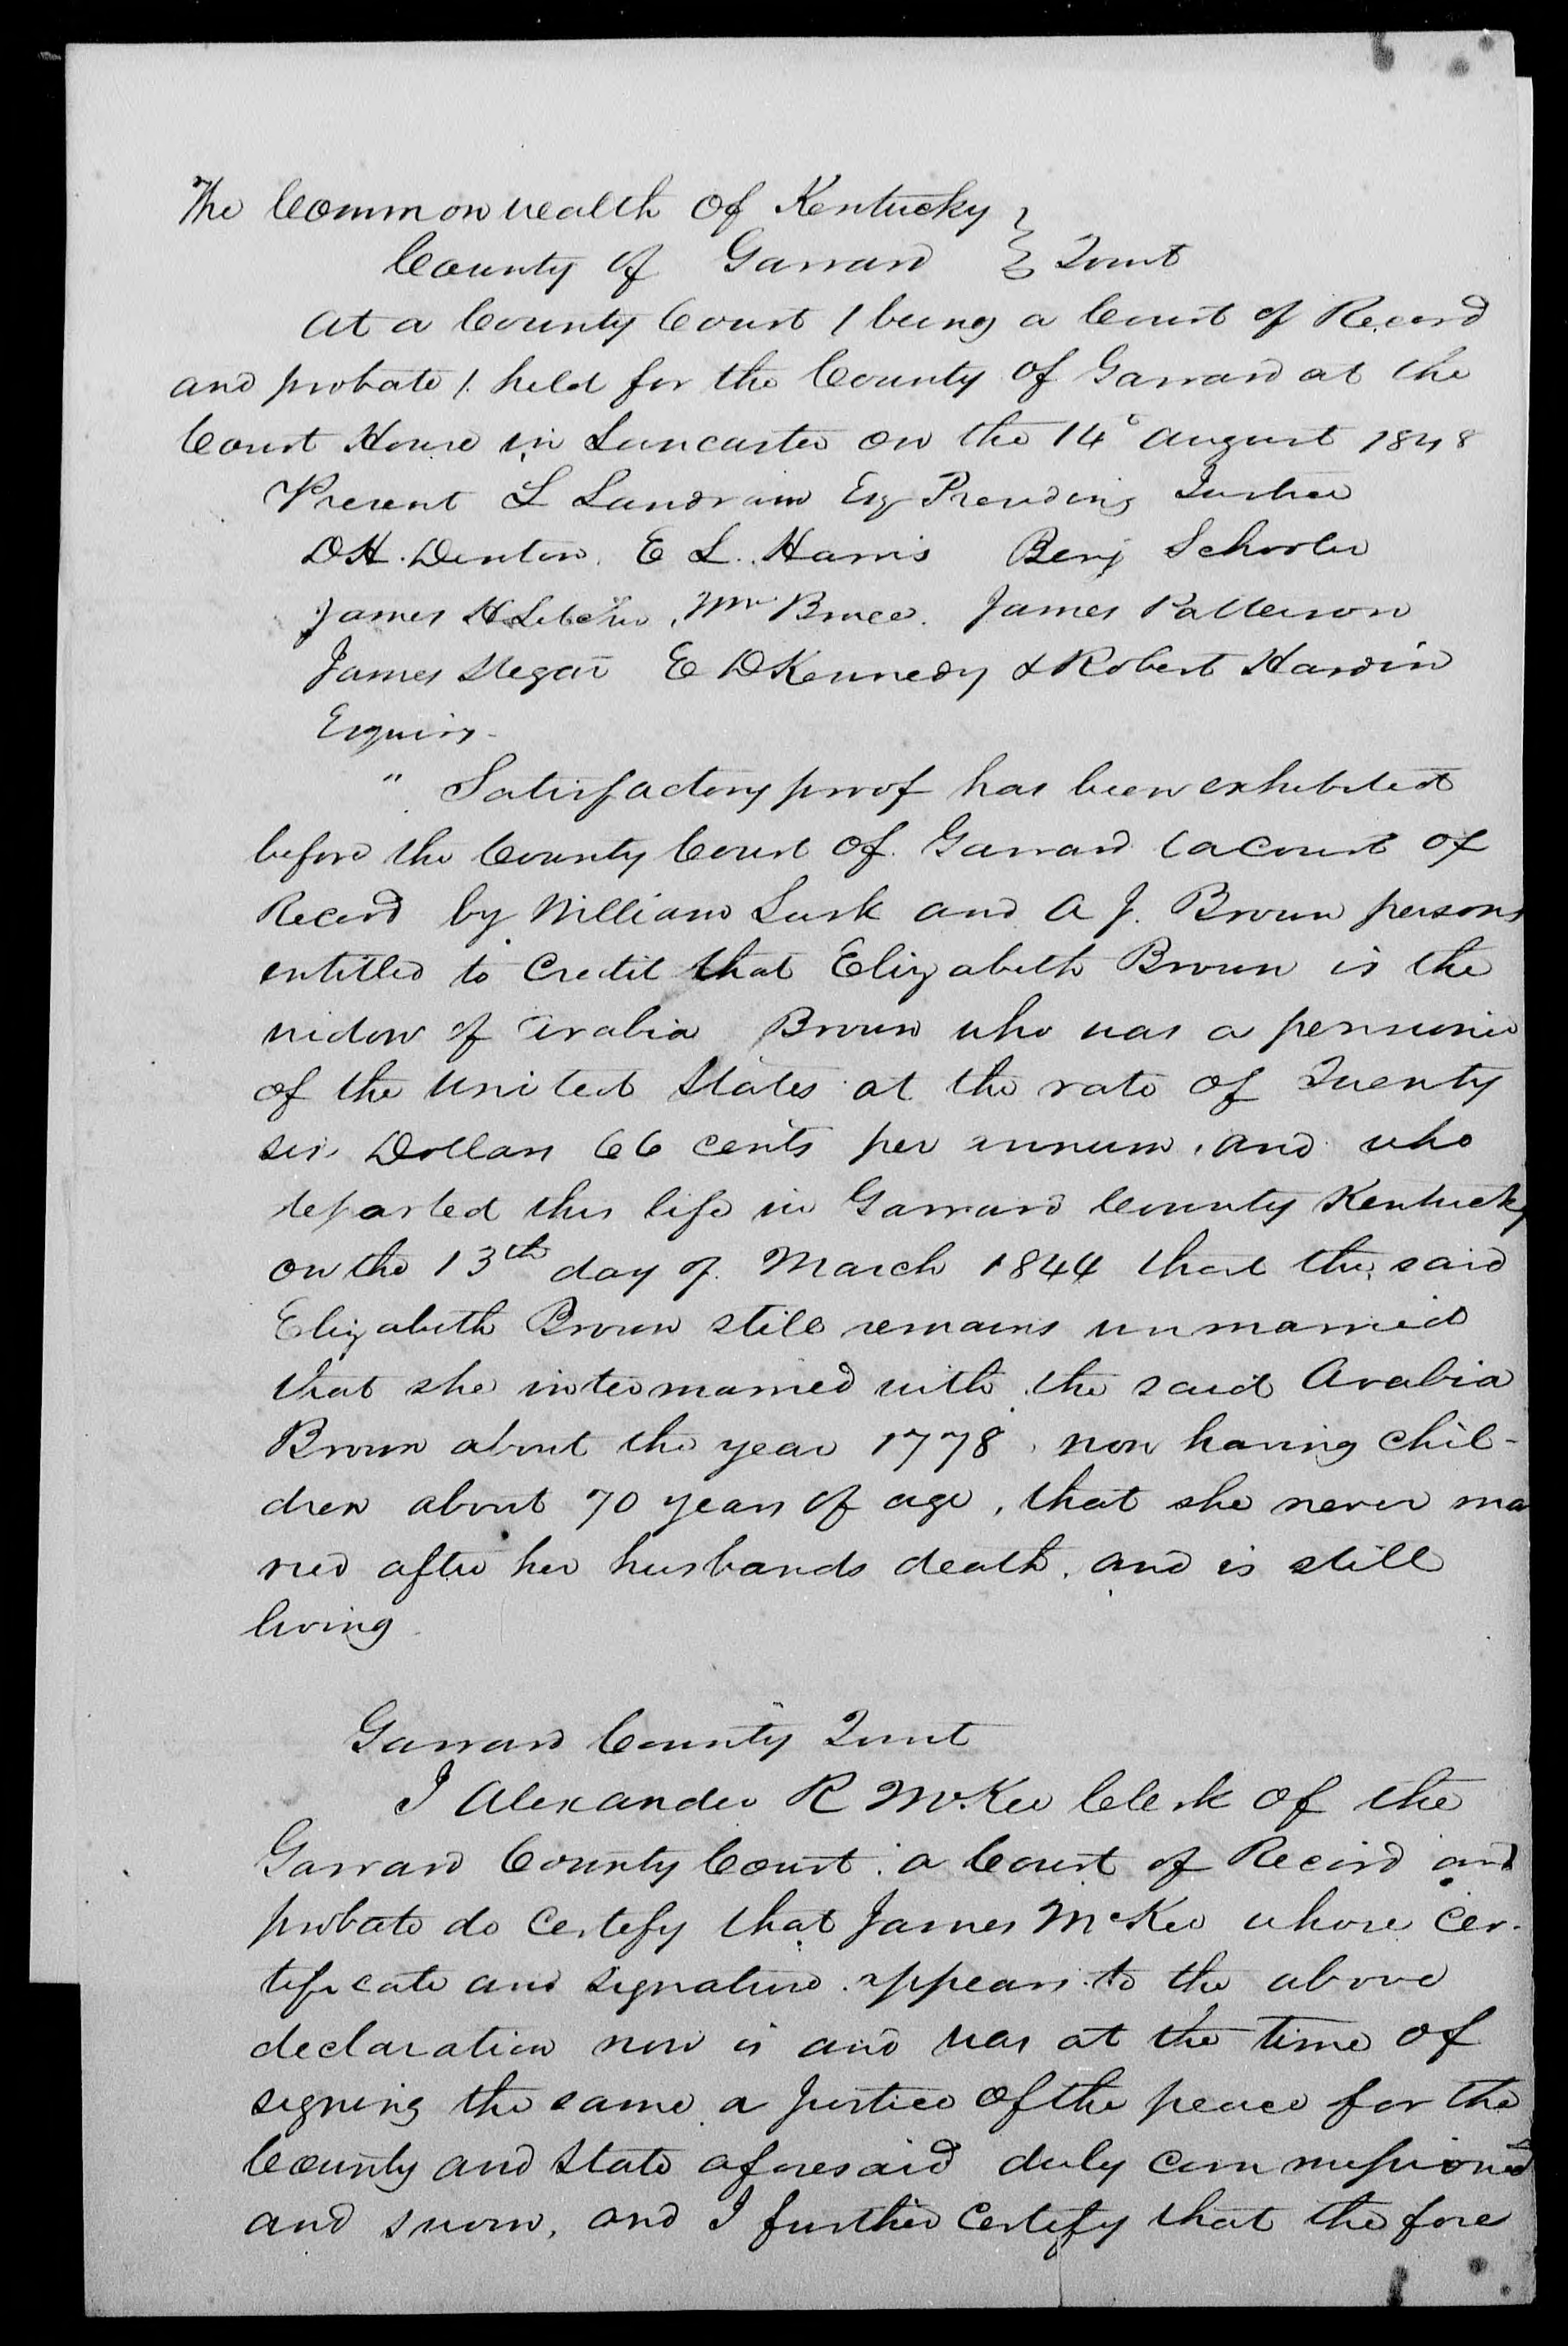The Commonwealth of Kentucky
County of Garrard and trent

At a County Court I being a Court of Record
and probate I held for the County of Garrard at the
Court House in Lancaster on the 14th August 1848
Present L Lanoram Esq Presiding Justice
D H. Denton E. L. Harris Benj Schooler
James H Sibelrer, Wm Bruce James Patterson
James Stegar E D Kennedy & Robert Hardin
Esquire
Satisfactory proof has been exhibited
before the County Court of Garrard Court of
Record by William Susk and A J. Brown persons
entitled to credit that Elizabeth Brown is the
widow of Arabia Brown who was a pensioner
of the United States at the rate of Twenty
six Dollars 66 Cents per annum, and who
departed this life in Garrard County Kentucky
on the 13th day of March 1844 that the said
Elizabeth Brown still remains unmarried
that she intermarried with the said Arabia
Brown about the year 1778, now having children
about 70 years of age, that she never [  ] [  ] after her husbands death, and is still
living
Garrard County [  ]
I Alexander R McKee Clerk of the
Garrard County Court a Court of Record and
probate do certify that James McKee whose certificate
and signature appears to the above
declaration now is and was at the time of
signing the same a Justice of the peace for the
County and State aforesaid duly commissioned
and sworn, and I further certify that the fore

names: James H Letcher, Elizabeth Brown, Elizabeth Brown, Benj Schooler, Wm Bruce, E D Kennedy, Arabia Brown, James Mc Kee, L Landram, James Stegar, James Patterson, Arabia Brown, A J Brown, Robert Hardin, D H Denton, Alexander R Mc Kee, William Susk, E L Harris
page: 61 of 65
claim: widow's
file: W. 8384, Arabia Brown, Va.